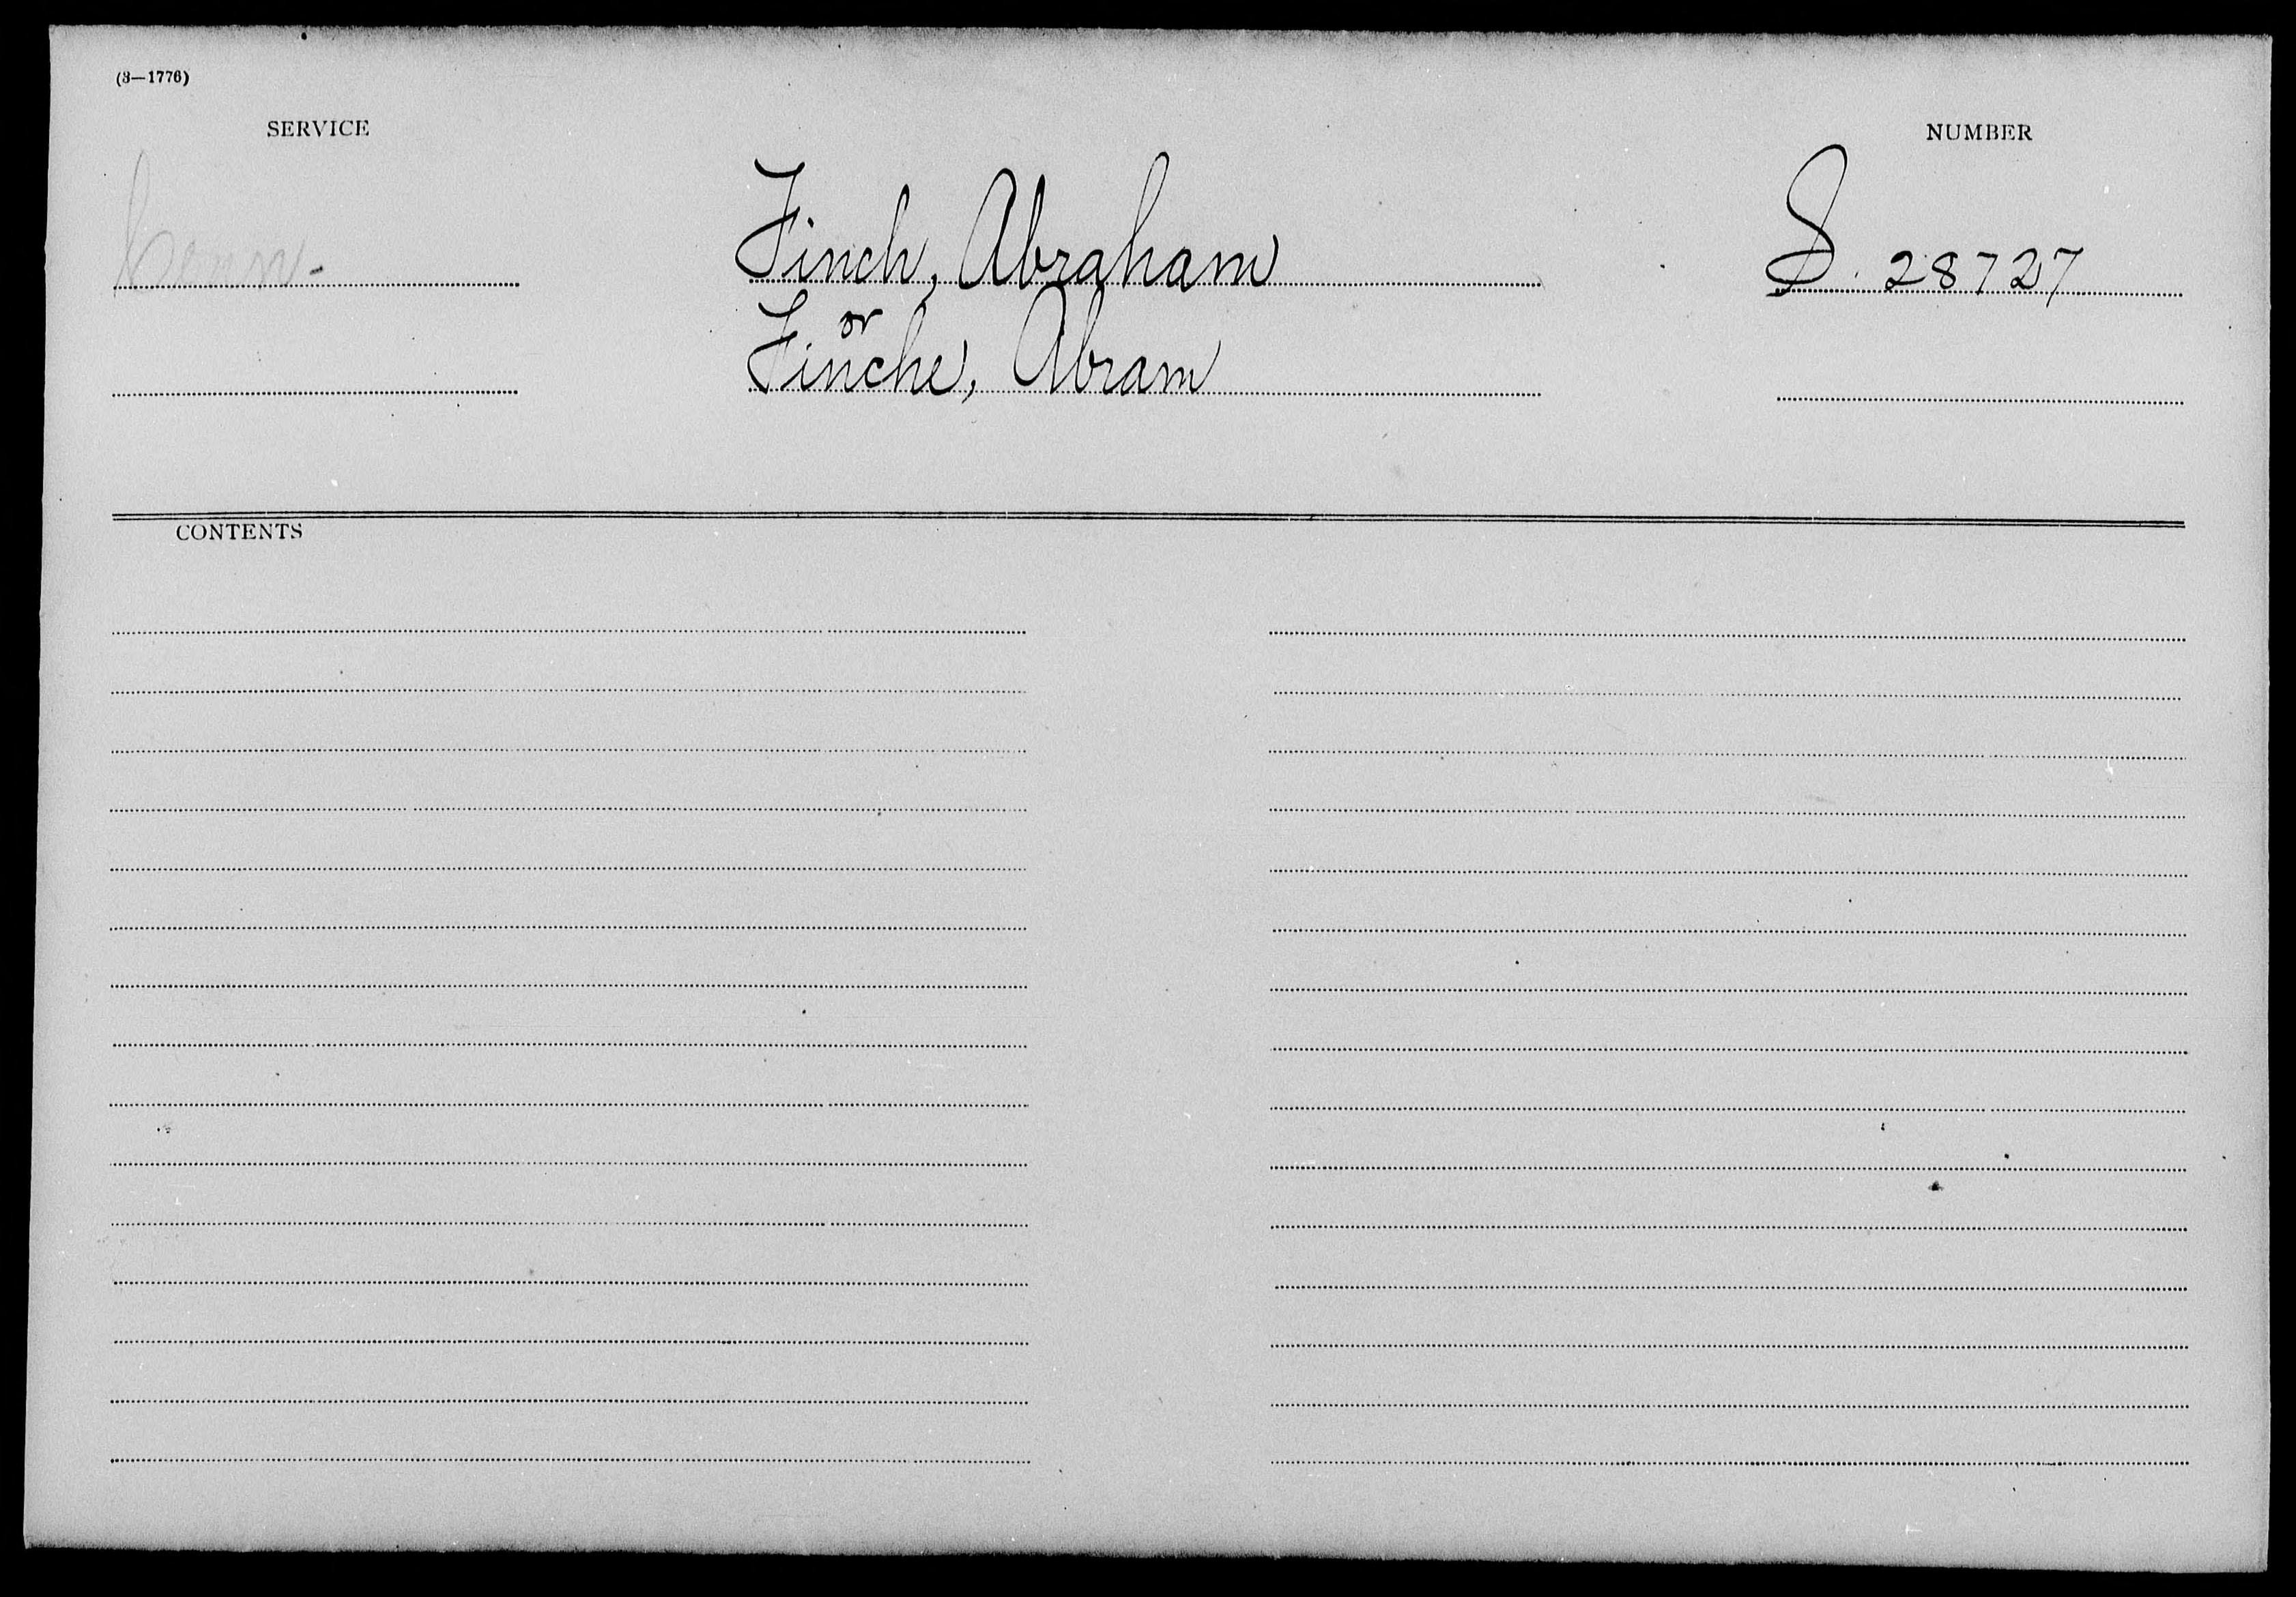Service Conn. Finch, Abraham Number S28727
or Finche, Abram Contents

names: Abram Finche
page: 1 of 35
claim: survivor's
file: S. 28727, Abraham Finch, Conn.